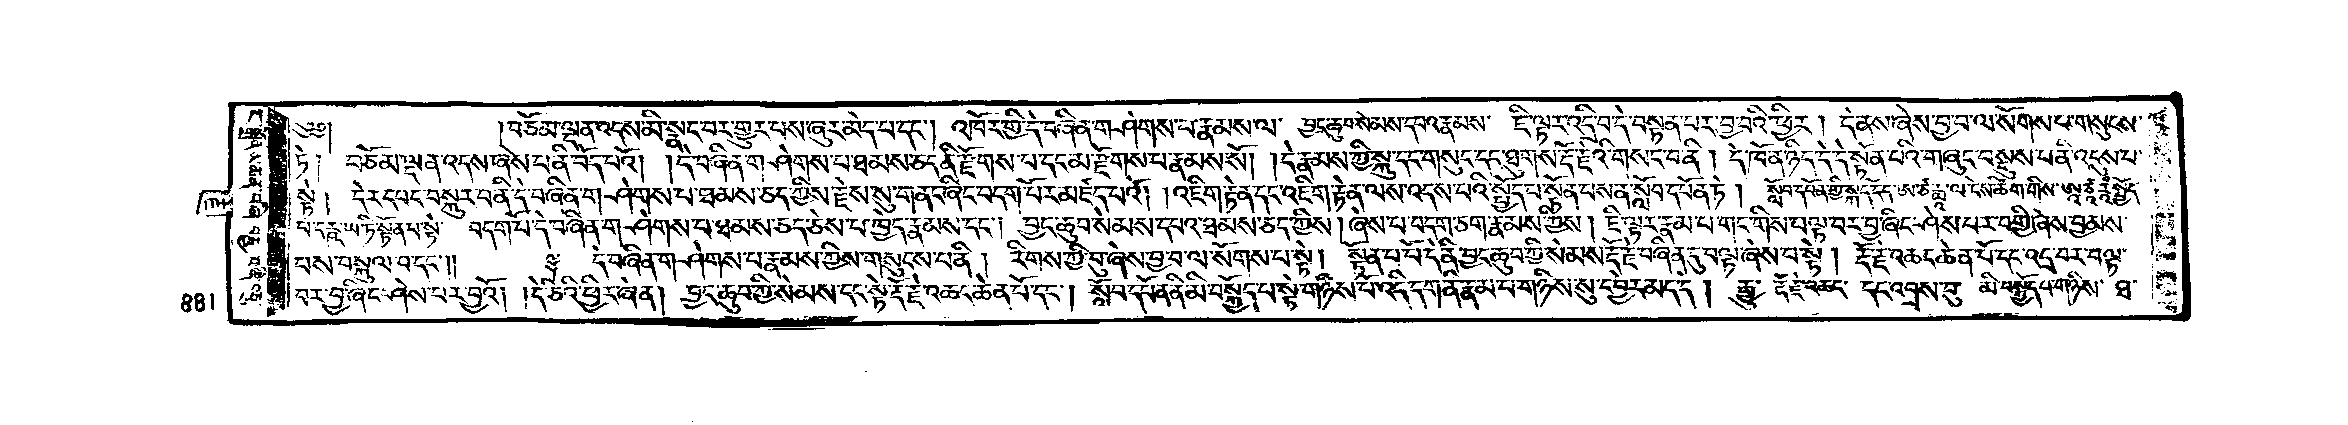༄༅། །བཅོམ་ལྡན་འདས་མི་སྣང་བར་གྱུར་པས་ཞུར་མེད་པ་དང་། འཁོར་གྱི་དེ་བཞིན་གཤེགས་པ་རྣམས་ལ་བྱང་ཆུབ་སེམས་དཔའ་རྣམས་ཇི་ལྟར་འདྲི་བ་དེ་བསྟན་པར་བྱ་བའི་ཕྱིར། དེ་ནས་ཞེས་བྱ་བ་ལ་སོགས་པ་གསུངས་
ཏེ། བཅོམ་ལྡན་འདས་ཞེས་པ་ནི་བོད་པའོ། །དེ་བཞིན་གཤེགས་པ་ཐམས་ཅད་ནི་རྫོགས་པ་དང་མ་རྫོགས་པ་རྣམས་སོ། །དེ་རྣམས་ཀྱི་སྐུ་དང་གསུང་དང་ཐུགས་རྡོ་རྗེའི་གསང་བ་ནི། དེ་ཁོ་ན་ཉིད་དེ་དེ་སྟོན་པའི་གཞུང་བསྡུས་པ་ནི་འདུས་པ་
སྟེ། དེར་དབང་བསྐུར་བ་ནི་དེ་བཞིན་གཤེགས་པ་ཐམས་ཅད་ཀྱིས་རྗེས་སུ་གནང་ཞིང་བདག་པོར་མཛད་པའོ། །འཇིག་རྟེན་དང་འཇིག་རྟེན་ལས་འདས་པའི་སྤྱོད་པ་སྟོན་པས་ན་སློབ་དཔོན་ཏེ། སློབ་དཔོན་གྱི་སྐད་དོད་ཨ་ཙ་རྱཱ་ལ་ངེས་ཚིག་གིས་ཨཱ་ཙཱ་རཱཾ་སྤྱོད་
པ་དརྵ་ཡ་ཏི་སྟོན་པ་སྟེ་བདག་པོ་དེ་བཞིན་གཤེགས་པ་ཐམས་ཅད་ཅེས་པ་ཁྱེད་རྣམས་དང་། བྱང་ཆུབ་སེམས་དཔའ་ཐམས་ཅད་ཀྱིས། ཞེས་པ་བདག་ཅག་རྣམས་ཀྱིས། ཇི་ལྟར་རྣམ་པ་གང་གིས་བལྟ་བར་བྱ་ཞིང་ཤེས་པར་བགྱི་ཞེས་བྱམས་
པས་བསྐུལ་བ་དང།། ༈ དེ་བཞིན་གཤེགས་པ་རྣམས་ཀྱིས་གསུངས་པ་ནི། རིགས་ཀྱི་བུ་ཞེས་བྱ་བ་ལ་སོགས་པ་སྟེ། སྟོན་པ་པོ་དེ་ནི་བྱང་ཆུབ་ཀྱི་སེམས་རྡོ་རྗེ་བཞིན་དུ་བལྟ་ཞེས་པ་སྟེ། རྡོ་རྗེ་འཆང་ཆེན་པོ་དང་འདྲ་བར་བལྟ་
བར་བྱ་ཞིང་ཤེས་པར་བྱའོ། །དེ་ཅིའི་ཕྱིར་ཞེ་ན། བྱང་ཆུབ་ཀྱི་སེམས་དང་སྟེ་རྡོ་རྗེ་འཆང་ཆེན་པོ་དང་། སློབ་དཔོན་ནི་མི་བསྐྱོད་པ་སྟེ་གཉིས་པོ་འདི་དག་ནི་རྣམ་པ་གཉིས་སུ་དབྱེར་མེད་དེ། རྒྱུ་རྡོ་རྗེ་འཆང་དང་འབྲས་བུ་མི་བསྐྱོད་པ་གཉིས་ཐ་